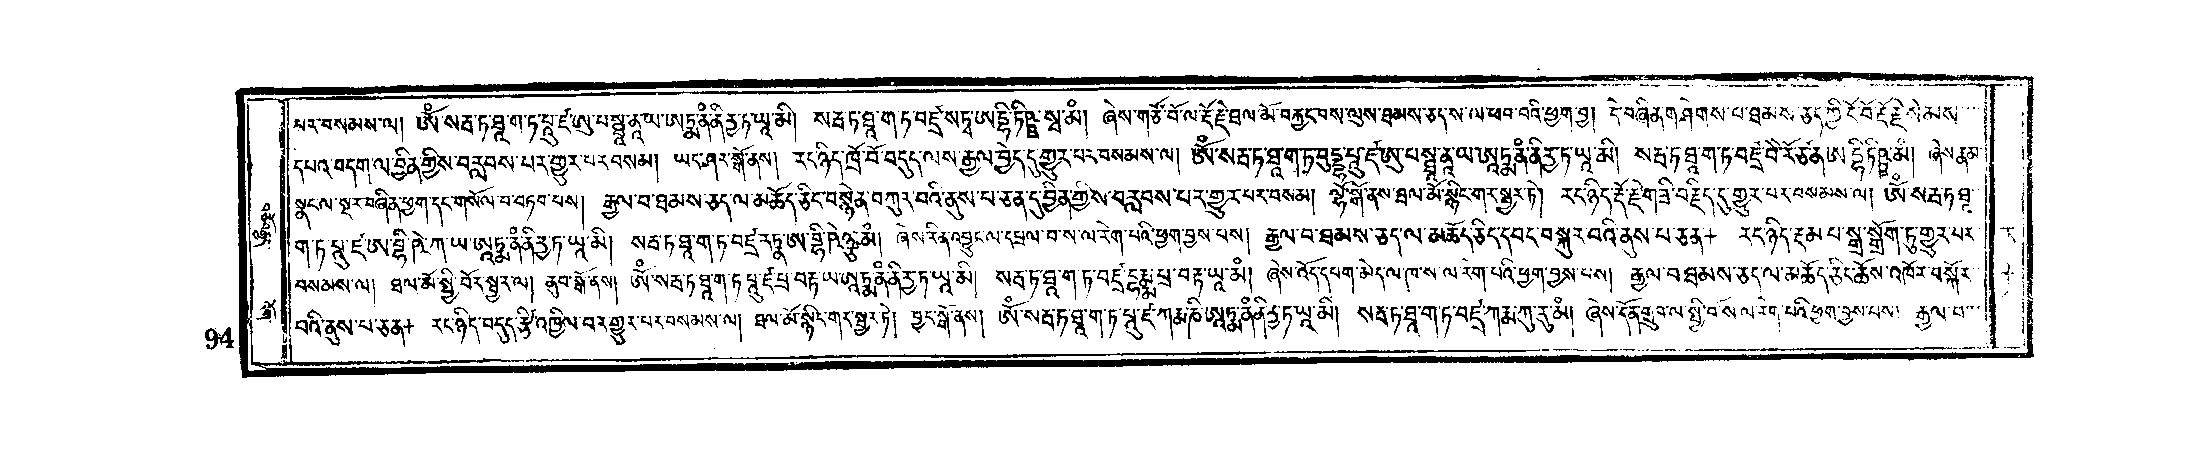མར་བསམས་ལ། ཨོཾ་སརྦ་ཏ་ཐཱ་ག་ཏ་པཱུ་ཛ་ཨུ་པསྠཱ་ནཱ་ཡ་ཨཏྨ་ནཾ་ནིརྱ་ཏ་ཡཱ་མི། སརྦ་ཏ་ཐཱ་ག་ཏ་བཛྲ་སཏྭ་ཨདྷི་ཏིཥཊཿཨ་སྭ་མཾ། ཞེས་གཙོ་བོ་ལ་རྡོ་རྗེ་ཐལ་མོ་བརྐྱང་བས་ལུས་ཐམས་ཅད་ས་ལ་ཕབ་པའི་ཕྱག་བྱ། དེ་བཞིན་གཤེགས་པ་ཐམས་ཅད་ཀྱི་ངོ་བོ་རྡོ་རྗེ་སེམས་
དཔའ་བདག་ལ་བྱིན་གྱིས་བརླབས་པར་གྱུར་པར་བསམ། ཡང་ཤར་སྒོ་ནས། རང་ཉིད་ཁྲོ་བོ་བདུད་ལས་རྒྱལ་བྱེད་དུ་གྱུར་པར་བསམས་ལ། ཨོཾ་སརྦ་ཏ་ཐཱ་ག་ཏ་བུདྡྷ་པཱུ་ཛ་ཨུ་པསྠཱ་ནཱ་ཡ་ཨཱཏྨ་ནཾ་ནིརྱ་ཏ་ཡཱ་མི། སརྦ་ཏ་ཐཱ་ག་ཏ་བཛྲ་བཻ་རོ་ཙ་ན་ཨ་དྷི་ཏིཥཊཿཨ་མཾ། ཞེས་རྣམ་
སྣང་ལ་སྔར་བཞིན་ཕྱག་དང་གསོལ་བ་བཏབ་པས། རྒྱལ་བ་ཐམས་ཅད་ལ་མཆོད་ཅིང་བསྙེན་བཀུར་བའི་ནུས་པ་ཅན་དུ་བྱིན་གྱིས་བརླབས་པར་གྱུར་པར་བསམ། ལྷོ་སྒོ་ནས་ཐལ་མོ་སྙིང་གར་སྦྱར་ཏེ། རང་ཉིད་རྡོ་རྗེ་གཟི་བརྗིད་དུ་གྱུར་པར་བསམས་ལ། ཨོཾ་སརྦ་ཏ་ཐཱ་
ག་ཏ་པཱུ་ཛ་ཨ་བྷི་ཥེ་ཀ་ཡ་ཨཱཏྨ་ནཾ་ནིརྱ་ཏ་ཡཱ་མི། སརྦ་ཏ་ཐཱ་ག་ཏ་བཛྲ་རཏྣ་ཨ་བྷི་ཥེཉྩ་མཾ། ཞེས་རིན་འབྱུང་ལ་དཔྲལ་བ་ས་ལ་རེག་པའི་ཕྱག་བྱས་པས། རྒྱལ་བ་ཐམས་ཅད་ལ་མཆོད་ཅིང་དབང་བསྐུར་བའི་ནུས་པ་ཅན་+་རང་ཉིད་རྔམ་པ་སྒྲ་སྒྲོག་ཏུ་གྱུར་པར་
བསམས་ལ། ཐལ་མོ་སྤྱི་བོར་སྦྱར་ལ། ནུབ་སྒོ་ནས། ཨོཾ་སརྦ་ཏ་ཐཱ་ག་ཏ་པཱུ་ཛ་པྲ་བརྟ་ཡ་ཨཱཏྨ་ནཾ་ནིརྱ་ཏ་ཡཱ་མི། སརྦ་ཏ་ཐཱ་ག་ཏ་བཛྲ་དྷརྨྨ་པྲ་བརྟ་ཡཱ་མཾ། ཞེས་འོད་དཔག་མེད་ལ་ཁ་ས་ལ་རེག་པའི་ཕྱག་བྱས་པས། རྒྱལ་བ་ཐམས་ཅད་ལ་མཆོད་ཅིང་ཆོས་འཁོར་བསྐོར་
བའི་ནུས་པ་ཅན་+་རང་ཉིད་བདུད་རྩི་འཁྱིལ་བར་གྱུར་པར་བསམས་ལ། ཐལ་མོ་སྙིང་གར་སྦྱར་ཏེ། བྱང་སྒོ་ནས། ཨོཾ་སརྦ་ཏ་ཐཱ་ག་ཏ་པཱུ་ཛ་ཀརྨ་ཎི་ཨཱཏྨ་ནཾ་ནིརྱ་ཏ་ཡཱ་མི། སརྦ་ཏ་ཐཱ་ག་ཏ་བཛྲ་ཀརྨ་ཀུ་རུ་མཾ། ཞེས་དོན་གྲུབ་ལ་སྤྱི་བོ་ས་ལ་རེག་པའི་ཕྱག་བྱས་པས། རྒྱལ་བ་